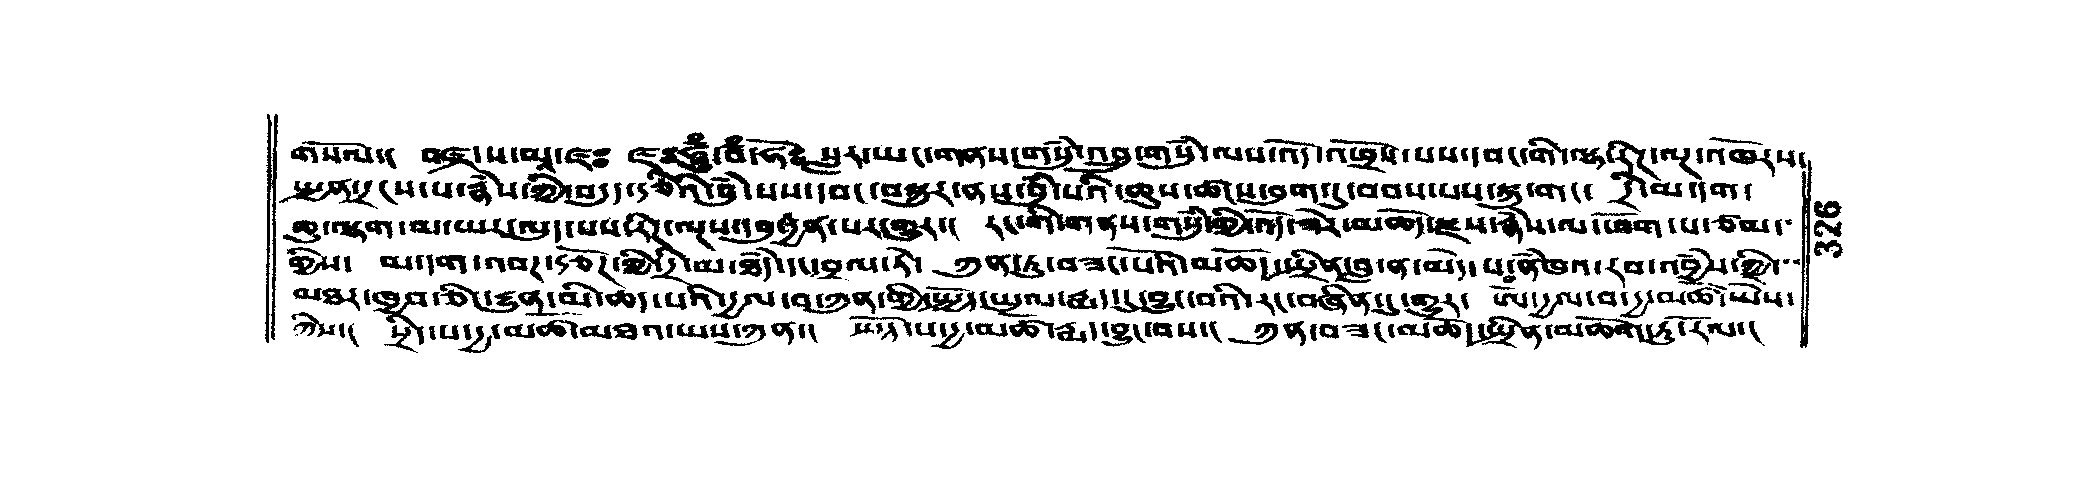གསོལ། བཛྲ་ས་མཱ་ཛཿ ཛཿཧཱུྃ་བྃ་ཧོཿ སླར་ཡང་གནས་གསུམ་འབྲུ་གསུམ་ལས་འོད་འཕྲོས་པས་དབང་གི་ལྷ་རིགས་ལྔ་འཁོར་བཅས་
སྤྱན་དྲངས་པ་རྣམས་ཀྱི་བདུད་རྩིའི་བུམ་པས་དབང་བསྐུར་ནས་བུམ་པའི་ཆུ་ཚངས་བུག་དུ་བབས་པས་སྐུ་གང་དྲི་མ་དག 
ཆུའི་ལྷག་མ་ཡར་ལུད་པས་རིགས་ལྔས་དབུ་བརྒྱན་པར་གྱུར། རང་གི་གནས་གསུམ་གྱི་འོད་ཟེར་མཆོད་རྫས་རྣམས་ལ་ཕོག་པ་ཙམ་
གྱིས། མ་དག་འབགས་རྩོག་གི་དྲི་མ་ཐམས་ཅད་དང་བྲལ་ཏེ།ཀུན་ཏུ་བཟང་པོའི་མཆོད་སྤྲིན་བླ་ན་མེད་པ་ནམ་མཁའ་རབ་འབྱམས་ཀྱི་
མཐར་ཁྱབ་ཅིང་རྒྱུན་མི་ཆད་པའི་རྒྱལ་བ་ཀུན་གྱི་སྤྱོད་ཡུལ་རྨད་དུ་བྱུང་བའི་རང་བཞིན་དུ་གྱུར། ཨོཾ། རྒྱལ་བ་རྒྱ་མཚོ་ཡེ་ཤེས་
ཀྱིས། །སྲིད་པ་རྒྱ་མཚོ་མཐའ་ཡས་ཀུན། །སྤྱོད་པ་རྒྱ་མཚོ་རྨད་བྱུང་བས། །ཀུན་བཟང་མཆོད་སྤྲིན་མཆོག་ཏུ་རོལ།